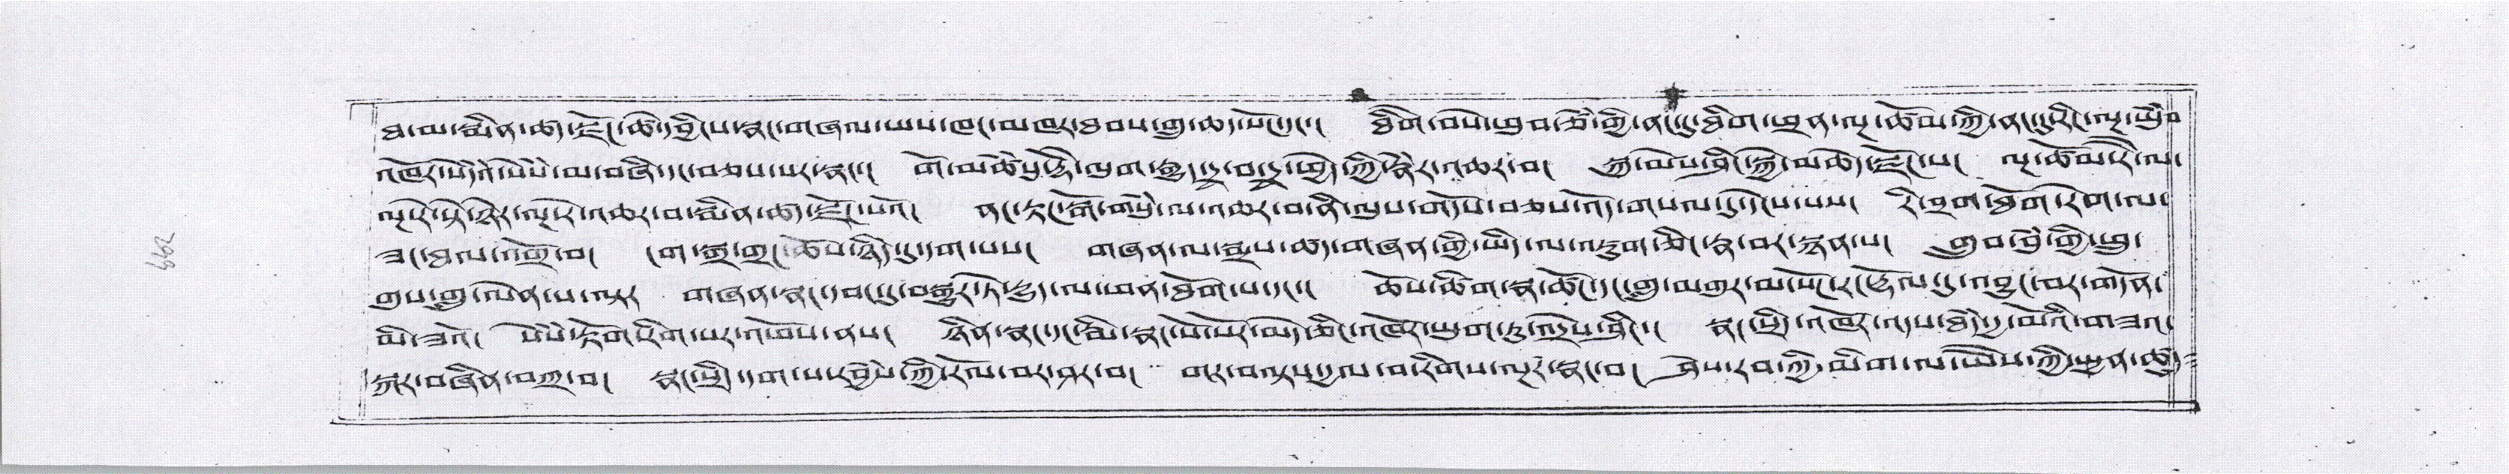ཐ་མ་སྨིན་ཚད་རྫོགས་ཚེ་དབྱིངས་སྣང་གཞལ་ཡས་ཁང་མཁར་ཐབས་གྲུ་ཆད་སོགས་དང། ཐིག་ལེ་བསེ་ཕུབ་ཙམ་གྱི་ནང་དུ་ཐིག་ཕྲན་ལྔ་ཚོམ་གྱི་ནང་དུ་རིགས་ལྔ་ཡབ་ཡུམ་
འཁོར་སེམས་དཔའི་སེམས་མ་བཞི་དང་བཅས་པར་སྣང། གོ་མཚམས་སུ་རྡོ་རྗེ་ལུག་རྒྱུད་དྲྭ་བ་དྲྭ་ཕྱེད་ཀྱི་རྣམ་པར་འཆར་བ། སྐུ་མཛེས་ཤིང་སྐྱེ་མཆེད་རྫོགས་པ། ལྔ་ཚོམ་རེ་རེ་ལ་
ལྔ་རེ་སྟེ་ཉེར་ལྔ་རེ་འཆར་བ་སྨིན་ཚད་རྫོགས་པའོ།ནང་རྟགས་སྒོ་གསུམ་ལ་འཆར་བ་ནི་ལུས་གདོས་བཅས་འོད་གསལ་དུ་དེངས་པས། རི་བྲག་ཐོག་རེག་ལ་
ཟང་ཐལ་འགྲོ་བ། ངག་སྒྲ་གྲགས་ཆོས་ཉིད་དུ་དག་པས། གཞན་ལ་སྨྲས་ཚད་གཞན་གྱི་ཡིད་ལ་འཇུག་ཅིང་རྣ་བར་སྙན་པ། གྲུབ་བུམ་གྱི་ཕྲུ་
གུས་གླུ་ལེན་པ་ལྟར། གཞན་སྣང་དབང་དུ་བསྒྱུར་ཏེ་རྒྱུད་ལ་ཕན་ཐོག་པ་དང། ཆོས་ཚིག་སྣ་ཚོགས་དང་གྲུབ་མགུར་མ་སོགས་རང་རྡོལ་དུ་འབྱུང་བར་གདོན་
མི་ཟའོ། སེམས་རྟོགས་རིག་པར་འཕོས་ནས། ཉིན་སྣང་དང་རྨི་སྣང་སོ་སོར་མེད་ཅིང་འཁོར་ཡུག་ཏུ་འདྲེས་ཤིང། སྣང་སྲིད་འཁོར་འདས་ཐམས་ཅད་རྒྱ་མོའི་གཟའ་
སྐར་བཞིན་བཀྲ་བ། སྣང་སྲིད་དག་པ་རབ་འབྱམས་ཀྱི་རོལ་བར་ཤར་བ། གར་བལྟས་རྒྱལ་བ་རིགས་ལྔར་སྣང་བ། ཤེས་རབ་ཀྱི་མིག་ལ་ཡེ་ཤེས་ཀྱི་སྤྱན་ཚུད་